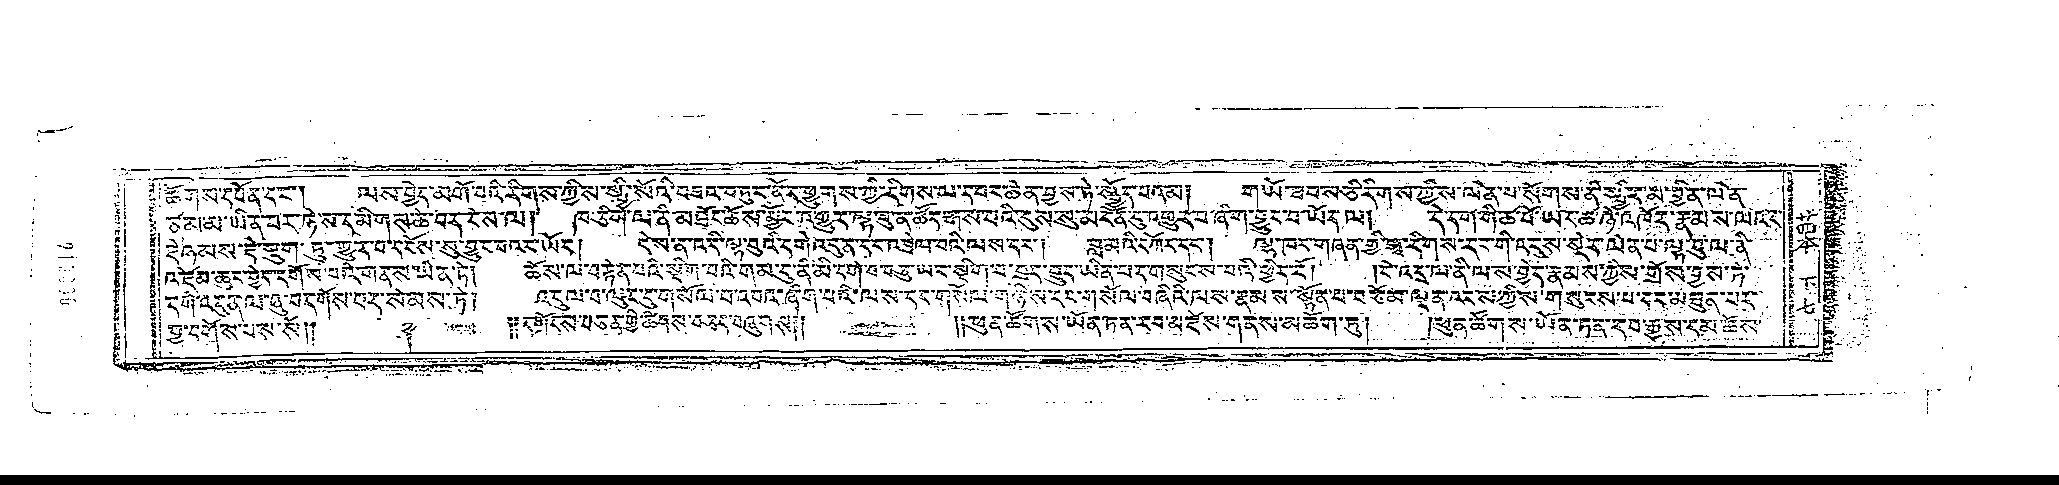ཚོགས་དཔོན་དང་། ལས་བྱེད་མགོ་པའི་རིགས་ཀྱིས་སྤྱི་སོའི་བཟའ་བཏུང་ནོར་ཕྱུགས་ཀྱི་རིགས་ལ་དབང་ཆེན་བྱས་ཏེ་སྤྱོད་པའམ། གཡོ་ཐབས་ཅི་རིགས་ཀྱིས་ལེན་པ་སོགས་ནི་སྤྱིར་མ་བྱིན་ལེན་
ཙམ་མ་ཡིན་བར་ཉེས་དམིགས་ཚེ་བར་ངེས་ལ། ཁ་ཅིག་ལ་ནི་མཐོང་ཆོས་མྱོང་འགྱུར་ལྟ་བུ་ན་ཚོད་རྒས་པའི་དུས་སུ་མངོན་དུ་འགྱུར་བ་ཞིག་བྱུང་བ་ཡོད་ལ། དེ་དག་གི་ཚ་བོ་ཡང་ཚ་ཉེ་འཁོར་རྣམས་ལའང་
ཇི་ཉམས་ཇེ་སྡུག་ཏུ་གྱུར་བ་དངོས་སུ་བྱུང་བའང་ཡོད། དེས་ན་འདི་ལྟ་བུའི་དགེ་འདུན་དང་འབྲེལ་བའི་ལས་དང་། བླ་མའི་དཀོར་དང་། ལྷ་ཁར་གཞན་གྱི་གྲྭ་རིགས་རང་གི་འདུས་སྡེར་ལེན་པ་ལྷ་བུ་ལ་ནི་
འཛེམ་ཆུང་བྱེད་དགོས་བའི་གནས་ཡིན་ཏེ། ཆོས་ལ་བརྟེན་པའི་སྡིག་པའི་གམ་དུ་ནི་མི་དགེ་བ་བཅུ་ཡང་སྡིག་པ་བྲད་བྲུང་ཡིན་པར་གསུངས་པའི་ཕྱིར་རོ། །དེ་འདྲལ་ནི་ལས་བྱེད་རྣམས་ཀྱིས་གྲོས་བྱས་ཏེ་དགེ་འདུན་ལ་ཞུ་
པ་དགོས་པར་སེམས་ཏེ། འདུལ་བ་ལུང་དུ་གསོལ་བ་འབའ་ཞིག་པའི་ལས་དང་གསོལ་གཉིས་དང་གསོལ་བཞིའི་ལས་རྣམས་སྟོན་པ་བཅོམ་ལྡན་འདས་ཀྱིས་གསུངས་པ་དང་མཐུན་པར་བྱ་དགོས་
པས་སོ།། ༈ །།དགོངས་བཅན་གྱི་ཚིགས་བཅད་བཞུགས།། །།ཕུན་ཚོགས་ཡོན་ཏན་རབ་མཛེས་གནས་མཆོག་ཏུ། །ཕུན་ཚོགས་ཡོན་ཏན་རབ་རྒྱས་དམ་ཆོས་